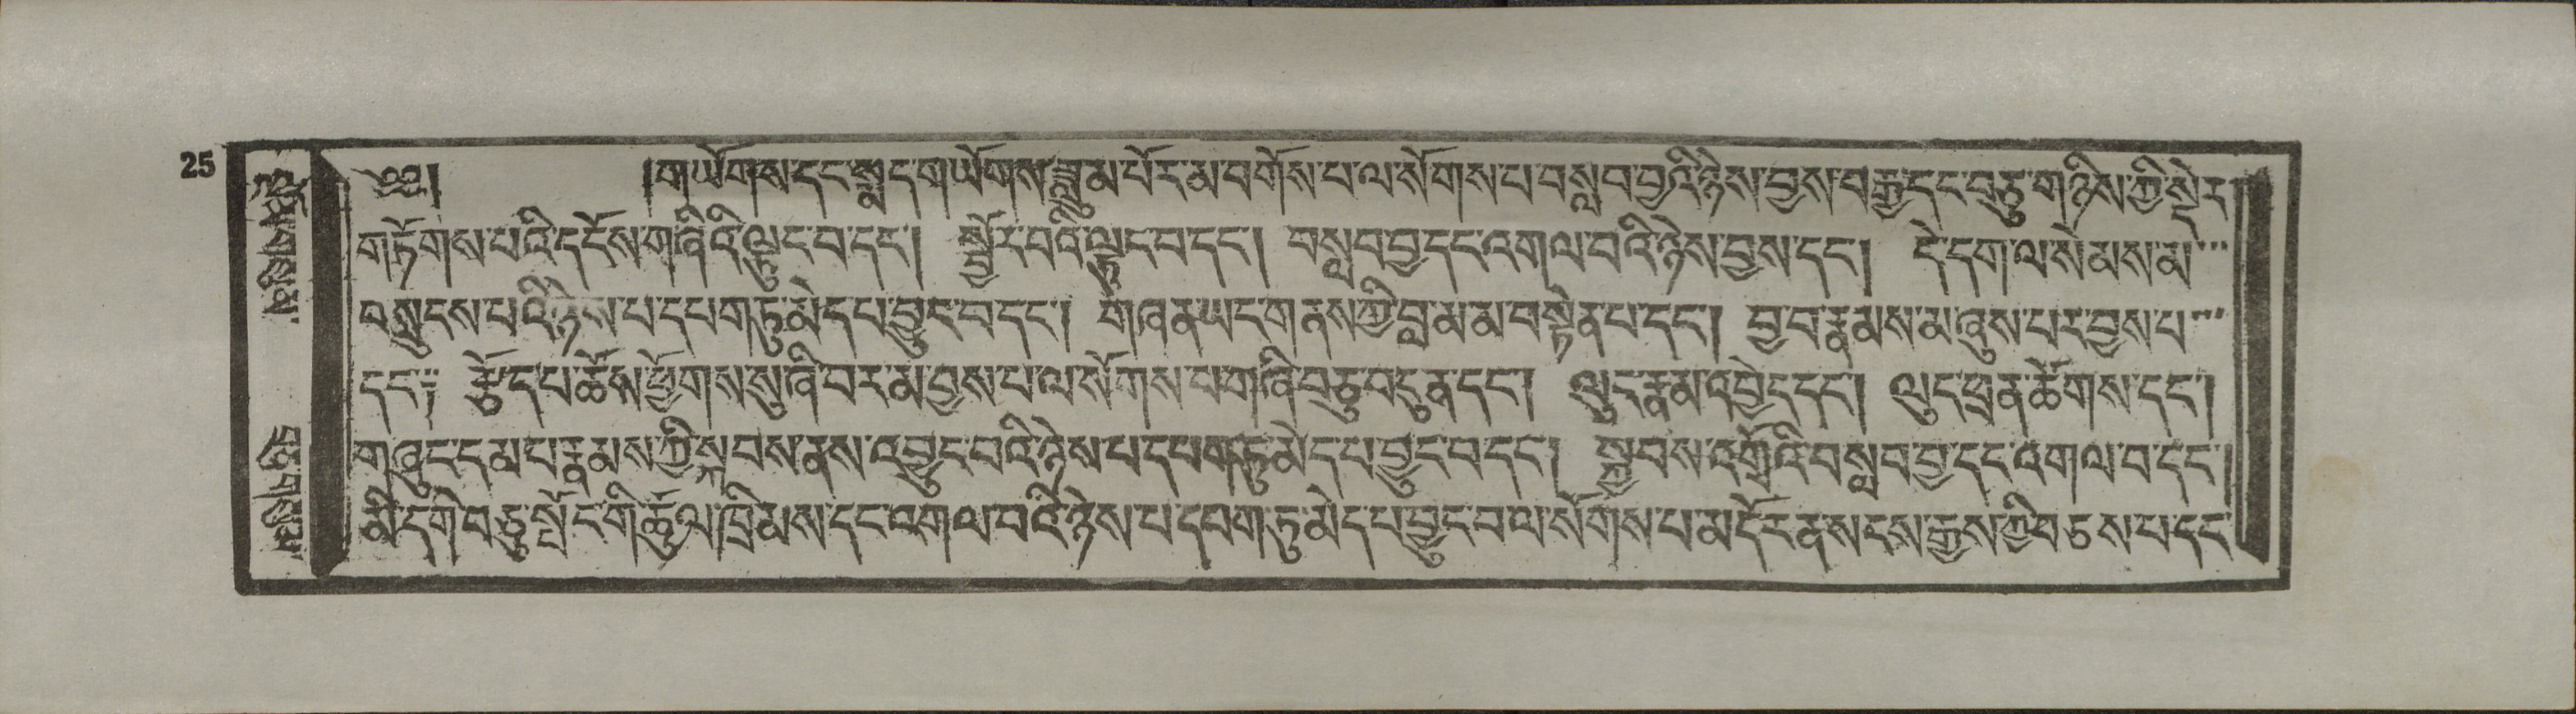༄༅། །གཡོགས་དང་སྨད་གཡོགས་ཟླུམ་པོར་མ་བགོས་པ་ལ་སོགས་པ་བསླབ་བྱའི་ཉེས་བྱས་བརྒྱ་དང་བཅུ་གཉིས་ཀྱི་སྡེར་
གཏོགས་པའི་དངོས་གཞིའི་ལྟུང་བ་དང་། སྦྱོར་བའི་ལྟུང་བ་དང་། བསླབ་བྱ་དང་འགལ་བའི་ཉེས་བྱས་དང་། དེ་དག་ལ་སེམས་མ་
བསྲུངས་པའི་ཉེས་པ་དཔག་ཏུ་མེད་པ་བྱུང་བ་དང་། གཞན་ཡང་གནས་ཀྱི་བླ་མ་མ་བསྟེན་པ་དང་། བྱ་བ་རྣམས་མ་ཞུས་པར་བྱས་པ་
དང༑ རྩོད་པ་ཆོས་ཕྱོགས་སུ་ཞི་བར་མ་བྱས་པ་ལ་སོགས་པ་གཞི་བཅུ་བདུན་དང་། ལུང་རྣམ་འབྱེད་དང་། ལུང་ཕྲན་ཚེགས་དང་།
གཞུང་དམ་པ་རྣམས་ཀྱི་སྐབས་ནས་འབྱུང་བའི་ཉེས་པ་དཔག་ཏུ་མེད་པ་བྱུང་བ་དང་། སྐྱབས་འགྲོའི་བསླབ་བྱ་དང་འགལ་བ་དང་།
མི་དགེ་བཅུ་སྤོང་གི་ཚུལ་ཁྲིམས་དང་འགལ་བའི་ཉེས་པ་དཔག་ཏུ་མེད་པ་བྱུང་བ་ལ་སོགས་པ་མདོར་ན་སངས་རྒྱས་ཀྱི་བཅས་པ་དང་